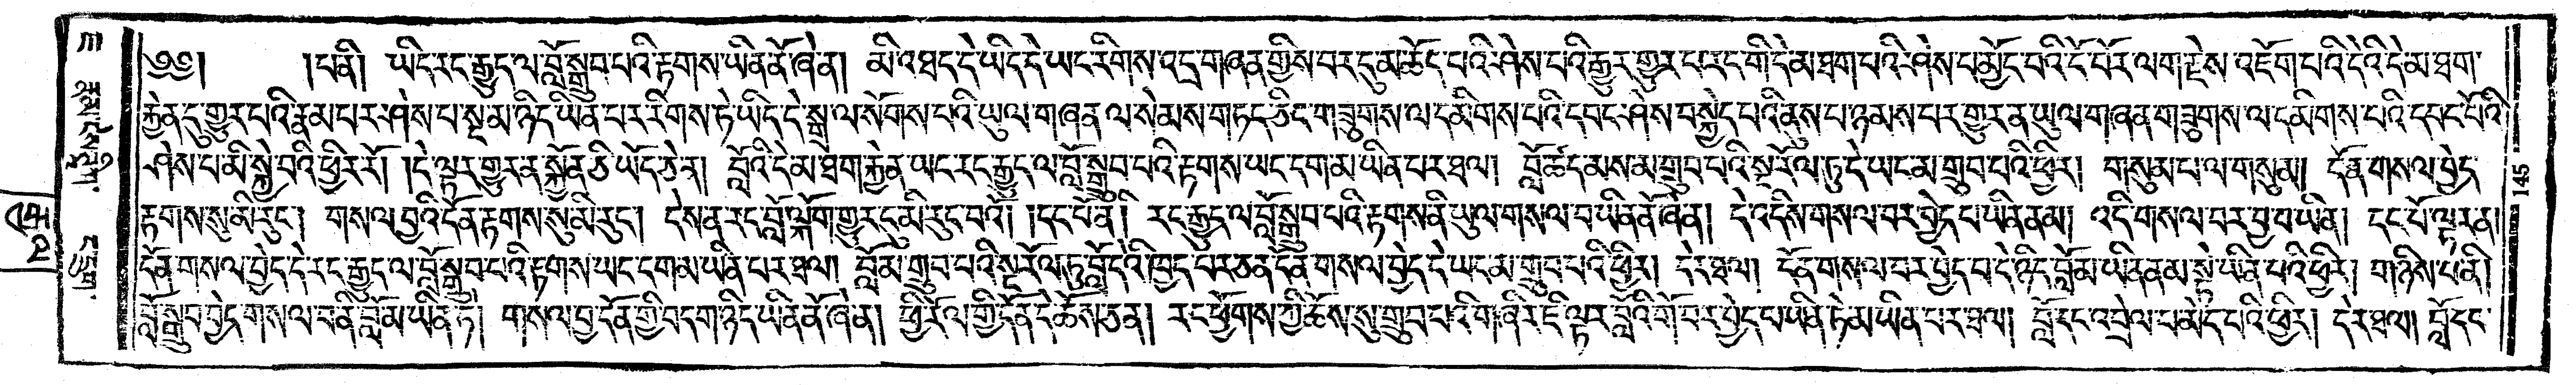༄༅། །པ་ནི། ཡིད་རང་རྒྱུད་ལ་བློ་སྒྲུབ་པའི་རྟགས་ཡིན་ནོ་ཞེ་ན། མི་འཐད་དེ་ཡིད་དེ་ཡང་རིགས་འདྲ་གཞན་གྱིས་བར་དུ་མ་ཆོད་པའི་ཤེས་པའི་རྒྱུར་གྱུར་པ་རང་གི་དེ་མ་ཐག་པའི་ཤེས་པ་མྱོང་བའི་ངོ་བོར་ལག་རྗེས་འཇོག་པའི་དེའི་དེ་མ་ཐག་
རྐྱེན་དུ་གྱུར་པའི་རྣམ་པར་ཤེས་པ་སྔ་མ་ཉིད་ཡིན་པར་རིགས་ཏེ་ཡིད་དེ་སྒྲ་ལ་སོགས་པའི་ཡུལ་གཞན་ལ་སེམས་གཏད་ཅིང་གཟུགས་ལ་དམིགས་པའི་དབང་ཤེས་བསྐྱེད་པའི་ནུས་པ་ཉམས་པར་གྱུར་ན་ཡུལ་གཞན་གཟུགས་ལ་དམིགས་པའི་དབང་པོའི་
ཤེས་པ་མི་སྐྱེ་བའི་ཕྱིར་རོ། །དེ་ལྟར་གྱུར་ན་སྐྱོན་ཅི་ཡོད་ཅེ་ན། བློའི་དེ་མ་ཐག་རྐྱེན་ཡང་རང་རྒྱུད་ལ་བློ་སྒྲུབ་པའི་རྟགས་ཡང་དག་མ་ཡིན་པར་ཐལ། བློ་ཚད་མས་མ་གྲུབ་པའི་སྔ་རོལ་ཏུ་དེ་ཡང་མ་གྲུབ་པའི་ཕྱིར། གསུམ་པ་ལ་གསུམ། དོན་གསལ་བྱེད་
རྟགས་སུ་མི་རུང་། གསལ་བྱའི་དོན་རྟགས་སུ་མི་རུང་། དེས་ན་རང་བློ་ལྐོག་གྱུར་དུ་མི་རུང་བའོ། །དང་པོ་ནི། རང་རྒྱུད་ལ་བློ་སྒྲུབ་པའི་རྟགས་ནི་ཡུལ་གསལ་བ་ཡིན་ནོ་ཞེ་ན། དེ་འདིས་གསལ་བར་བྱེད་པ་ཡིན་ནམ། འདི་གསལ་བར་བྱ་བ་ཡིན། དང་པོ་ལྟར་ན།
དོན་གསལ་བྱེད་དེ་རང་རྒྱུད་ལ་བློ་སྒྲུབ་པའི་རྟགས་ཡང་དག་མ་ཡིན་པར་ཐལ། བློ་མ་གྲུབ་པའི་སྔ་རོལ་ཏུ་བློ་དེའི་ཁྱད་པར་ཅན་དོན་གསལ་བྱེད་དེ་ཡང་མ་གྲུབ་པའི་ཕྱིར། དེར་ཐལ། དོན་གསལ་བར་བྱེད་པ་དེ་ཉིད་བློ་མ་ཡིན་ནམ་སྟེ་ཡིན་པའི་ཕྱིར། གཉིས་པ་ནི།
བློ་སྒྲུབ་བྱེད་གསལ་བ་ནི་བློ་མ་ཡིན་ཏེ། གསལ་བྱ་དོན་གྱི་བདག་ཉིད་ཡིན་ནོ་ཞེ་ན། ཕྱི་རོལ་གྱི་དོན་དེ་ཆོས་ཅན། རང་ཕྱོགས་ཀྱི་ཆོས་སུ་གྲུབ་པའི་གཞིར་ཇི་ལྟར་བློའི་གོ་བར་བྱེད་པ་ཡིན་ཏེ་མ་ཡིན་པར་ཐལ། བློ་དང་འབྲེལ་པ་མེད་པའི་ཕྱིར། དེར་ཐལ། བློ་དང་